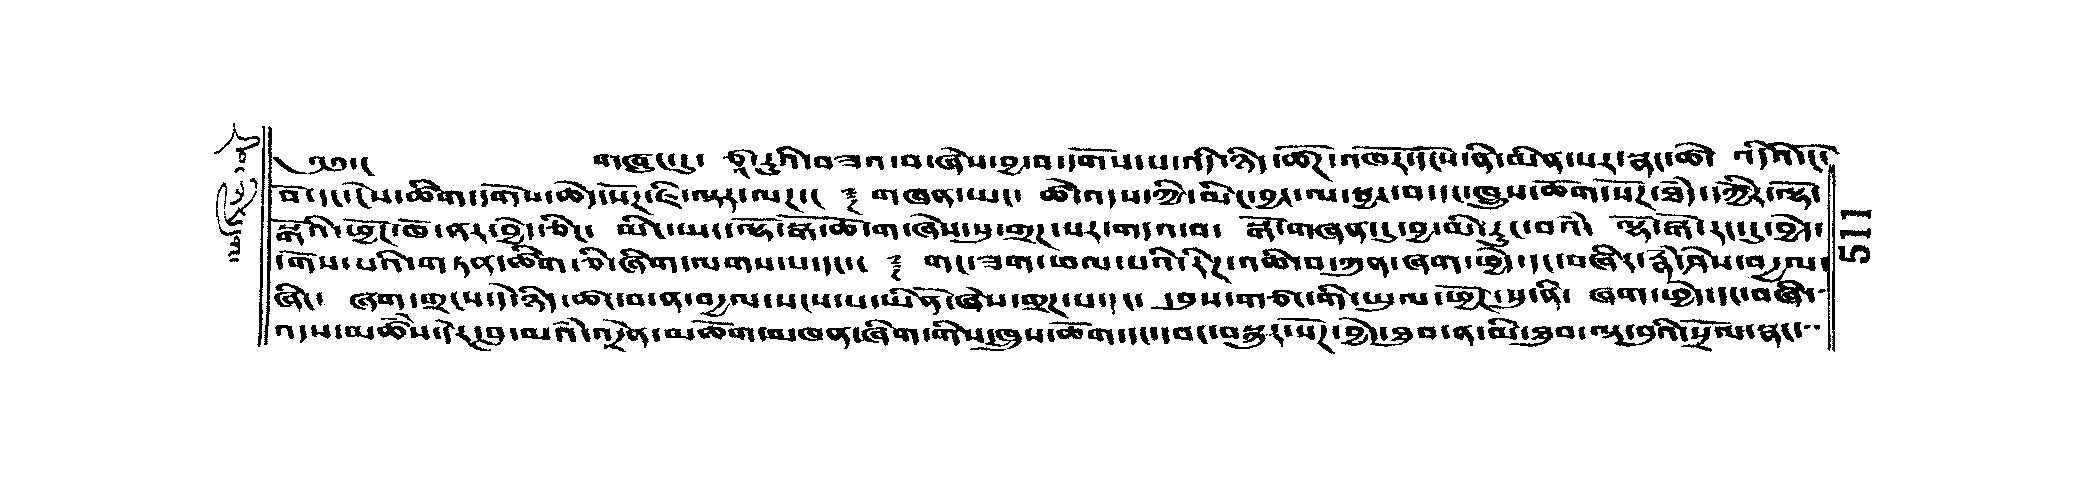གཞུང་དུ། ཙཱ་རུའི་བཟའ་བ་ཞེས་བྱ་བ་དགོས་པ་འདི་ཉིད་ཚོགས་འཁོར་དངོས་ནི་མིན་པར་སྣང་ཚེ། འདིའི་ངོ་
བོ་དང་ངེས་ཚིག་དགོས་ཆེད་སོགས་ཇི་ལྟར་ལགས། ༈ གཞན་ཡང་། ཚེ་འདས་ཀྱི་མིང་བྱང་ལ་སྦྱང་བ་དང་ཁྲུས་ཆོག་སོགས་ཐམས་ཅད་དཀྱིལ་འཁོར་ལྷོ་
སྒོའི་ཕྱོགས་ཁོ་ནར་བྱེད་ཅིང་། མིང་ཡང་ལྷོ་སྒོ་ཆོ་ག་ཞེས་སུ་གྲགས་པར་གདའ་བ། སྒོ་གཞན་དུ་བྱ་མི་རུང་བའམ། ལྷོ་སྒོ་རང་དུ་བྱེད་
དགོས་པའི་གཏན་ཚིགས་ཅི་ཞིག་ལ་གསལ་པ་དང་། ༈ གང་ཟག་ཕལ་པའི་རིགས་འཆི་བ་ཀུན་ཞག་ཕྱེད་དང་བཞིར་རྣམ་ཤེས་བརྒྱལ་
ཞིང་། ཞག་གྲངས་དེ་ཉིད་ཚང་བ་ན་བརྒྱལ་སངས་པ་ཡིན་ནོ་ཞེས་གྲགས་པ་དང་། དབུས་གཙང་གི་ཡུལ་ཕྱོགས་སུ་ནི། ཞག་ཕྱེད་དང་བཞི་
འདས་མཚམས་དེར་བླ་མའམ་འདྲེན་མཆོག་མཁན་ཞིག་གིས་ཁྲུས་ཆོག་དང་དབང་བསྐུར་སོགས་བྱེད་ཐུབ་ན་མི་ཐུབ་ལྟ་བུའི་སྲོལ་སྣང་